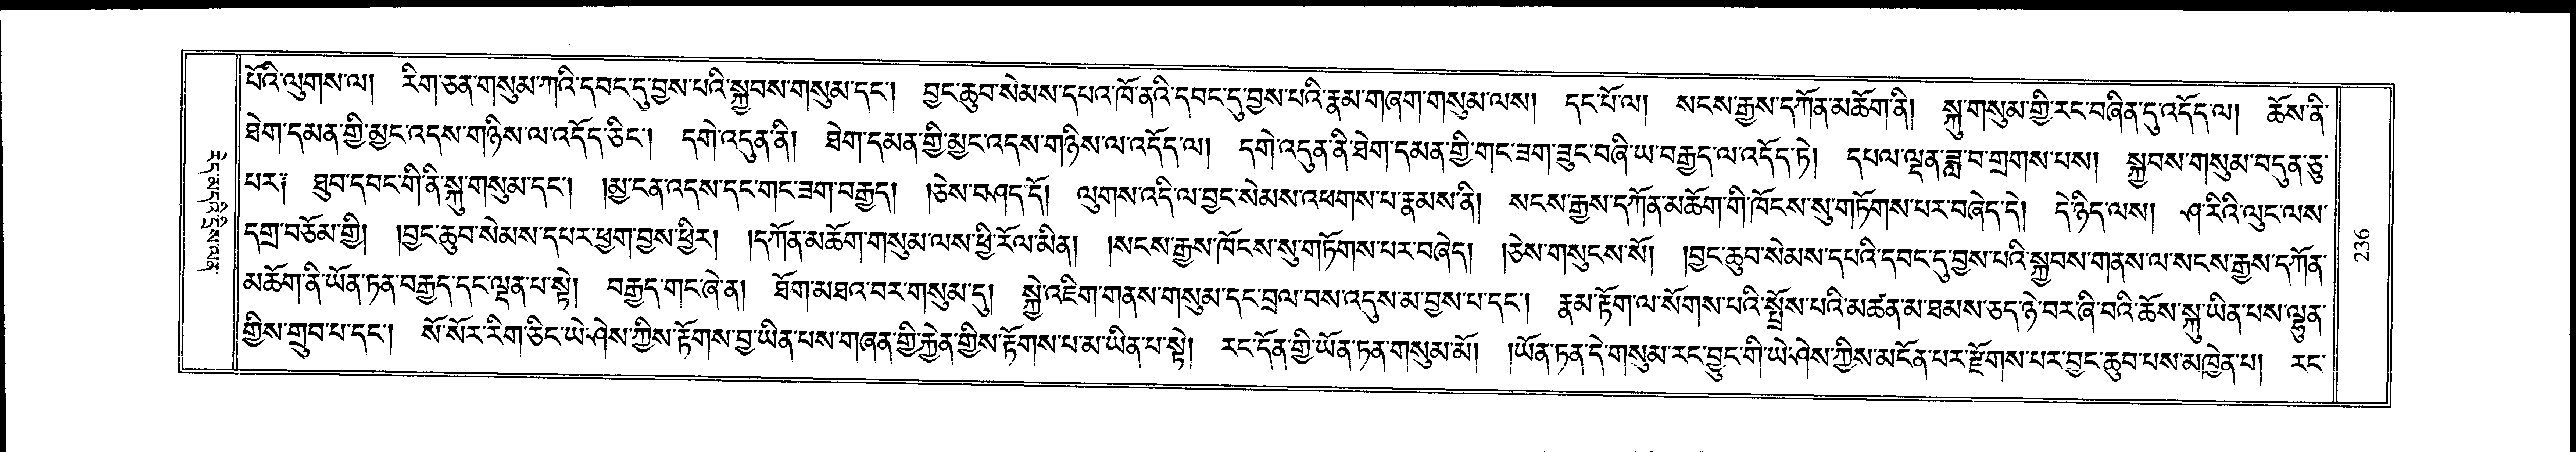པོའི་ལུགས་ལ། རིག་ཅན་གསུམ་ཀའི་དབང་དུ་བྱས་པའི་སྐྱབས་གསུམ་དང་། བྱང་ཆུབ་སེམས་དཔའ་ཁོ་ནའི་དབང་དུ་བྱས་པའི་རྣམ་གཞག་གསུམ་ལས། དང་པོ་ལ། སངས་རྒྱས་དཀོན་མཆོག་ནི། སྐུ་གསུམ་གྱི་རང་བཞིན་དུ་འདོད་ལ། ཆོས་ནི་
ཐེག་དམན་གྱི་མྱང་འདས་གཉིས་ལ་འདོད་ཅིང་། དགེ་འདུན་ནི། ཐེག་དམན་གྱི་མྱང་འདས་གཉིས་ལ་འདོད་ལ། དགེ་འདུན་ནི་ཐེག་དམན་གྱི་གང་ཟག་ཟུང་བཞི་ཡ་བརྒྱད་ལ་འདོད་ཏེ། དཔལ་ལྡན་ཟླ་བ་གྲགས་པས། སྐྱབས་གསུམ་བདུན་ཅུ་
པར། ཐུབ་དབང་གི་ནི་སྐུ་གསུམ་དང་། །མྱ་ངན་འདས་དང་གང་ཟག་བརྒྱད། །ཅེས་བཤད་དོ། ལུགས་འདི་ལ་བྱང་སེམས་འཕགས་པ་རྣམས་ནི། སངས་རྒྱས་དཀོན་མཆོག་གི་ཁོངས་སུ་གཏོགས་པར་བཞེད་དེ། དེ་ཉིད་ལས། ཤ་རིའི་ལུང་ལས་
དགྲ་བཅོམ་གྱི། །བྱང་ཆུབ་སེམས་དཔར་ཕྱག་བྱས་ཕྱིར། །དཀོན་མཆོག་གསུམ་ལས་ཕྱི་རོལ་མིན། །སངས་རྒྱས་ཁོངས་སུ་གཏོགས་པར་བཞེད། །ཅེས་གསུངས་སོ། །བྱང་ཆུབ་སེམས་དཔའི་དབང་དུ་བྱས་པའི་སྐྱབས་གནས་ལ་སངས་རྒྱས་དཀོན་
མཆོག་ནི་ཡོན་ཏན་བརྒྱད་དང་ལྡན་པ་སྟེ། བརྒྱད་གང་ཞེ་ན། ཐོག་མཐའ་བར་གསུམ་དུ། སྐྱེ་འཇིག་གནས་གསུམ་དང་བྲལ་བས་འདུས་མ་བྱས་པ་དང་། རྣམ་རྟོག་ལ་སོགས་པའི་སྤྲོས་པའི་མཚན་མ་ཐམས་ཅད་ཉེ་བར་ཞི་བའི་ཆོས་སྐུ་ཡིན་པས་ལྷུན་
གྱིས་གྲུབ་པ་དང་། སོ་སོར་རིག་ཅིང་ཡེ་ཤེས་ཀྱིས་རྟོགས་བྱ་ཡིན་པས་གཞན་གྱི་རྐྱེན་གྱིས་རྟོགས་པ་མ་ཡིན་པ་སྟེ། རང་དོན་གྱི་ཡོན་ཏན་གསུམ་མོ། །ཡོན་ཏན་དེ་གསུམ་རང་བྱུང་གི་ཡེ་ཤེས་ཀྱིས་མངོན་པར་རྫོགས་པར་བྱང་ཆུབ་པས་མཁྱེན་པ། རང་